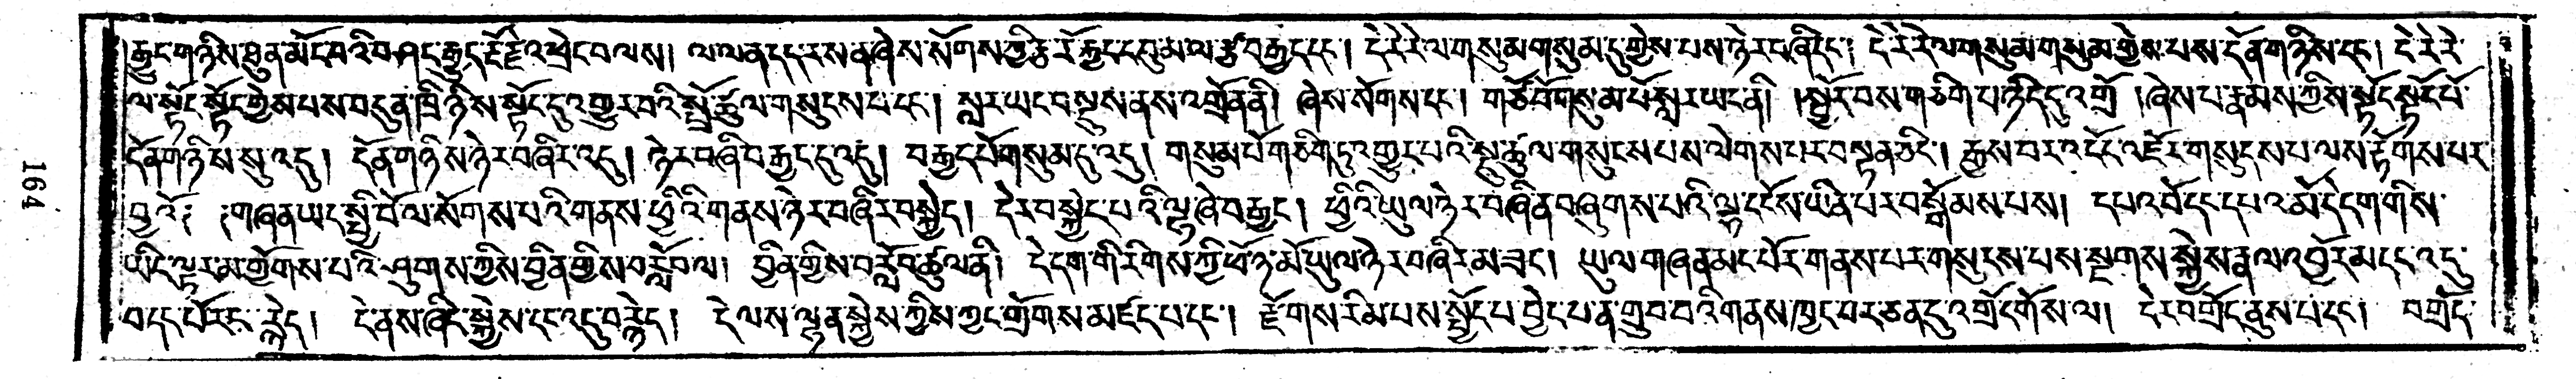རྒྱུད་གཉིས་ཐུན་མོང་བའི་བཤད་རྒྱུད་རྡོ་རྗེ་འཕྲེང་བ་ལས། ལ་ལ་ན་དད་རས་ན་ཞེས་སོགས་ཀྱི་རྩ་རོ་རྐྱང་དབུ་མ་ལ་རྩ་བརྒྱད་དང་། དེ་རེ་རེ་ལ་གསུམ་གསུམ་དུ་གྱེས་པས་ཉེར་བཞི་དང་། དེ་རེ་རེ་ལ་གསུམ་གསུམ་གྱེས་པས་དོན་གཉིས་དང་། དེ་རེ་རེ་
ལ་སྟོང་སྟོང་གྱེས་པས་བདུན་ཁྲི་ཉིས་སྟོང་དུ་འགྱུར་བའི་སྤྲོ་ཚུལ་གསུངས་པ་དང་། སླར་ཡང་བསྡུས་ནས་འགྲོ་ན་ནི། ཞེས་སོགས་དང་། གཙོ་བོ་གསུམ་པོ་སླར་ཡང་ནི། །སྦྱོར་བས་གཅིག་པ་ཉིད་དུ་འགྲོ་།ཞེས་པ་རྣམས་ཀྱིས་སྟོང་སྟོང་པོ་
དོན་གཉིས་སུ་འདུ། དོན་གཉིས་ཉེར་བཞིར་འདུ། ཉེར་བཞི་བརྒྱད་དུ་འདུ། བརྒྱད་པོ་གསུམ་དུ་འདུ། གསུམ་པོ་གཅིག་ཏུ་འགྱུར་པའི་སྡུ་ཚུལ་གསུངས་པས་ལེགས་པར་བསྟན་ཅིང་། རྒྱས་བར་འདོད་འཇོར་གསུད་ས་པ་ལས་རྟོགས་པར་
བྱའོ༑ ༑གཞན་ཡད་སྤྱི་བོ་ལ་སོགས་པའི་གནས་ཕྱིའི་གནས་ཉེར་བཞིར་བསྐྱེད། དེར་བསྐྱེད་པའི་ལྷ་ཞེ་བརྒྱང་། ཕྱིའི་ཡུལ་ཉེར་བཞིན་བཞུགས་པའི་ལྷ་དངོས་ཡིན་པར་བསྒོམས་པས། དཔའ་བོ་དང་དཔའ་མོ་དེ་དག་གིས་
ཡིད་ལྟར་མ་གྱོགས་པའི་ཤུགས་ཀྱིས་བྱིན་གྱིས་བརློབ་ལ། བྱིན་གྱིས་བརློབ་ཚུལ་ནི། དེ་དག་གི་རིགས་ཀྱི་ཕོ་ཉ་མོ་ཡུལ་ཉེར་བཞིར་མ་ཟད། ཡུལ་གཞན་མང་པོར་གནས་པར་གསུངས་པས་སྔགས་སྐྱེས་རྣལ་འབྱོར་མདང་འདུ་
བ་དང་པོ་རང་རྙེད། དེ་ནས་ཞིང་སྐྱེས་དང་འདུ་བརྙེད། དེ་ལས་ལྷན་སྐྱེས་ཀྱིས་ཀྱང་གྲོགས་མཛད་པ་དང་། རྫོགས་རིམ་པས་སྤྱོད་པ་བྱེད་པ་ན་གྲུབ་པའི་གནས་ཁྱད་པར་ཅན་དུ་འགྲོ་དགོས་ལ། དེར་བགྲོད་ནུས་པ་དང་། བགྲོད་